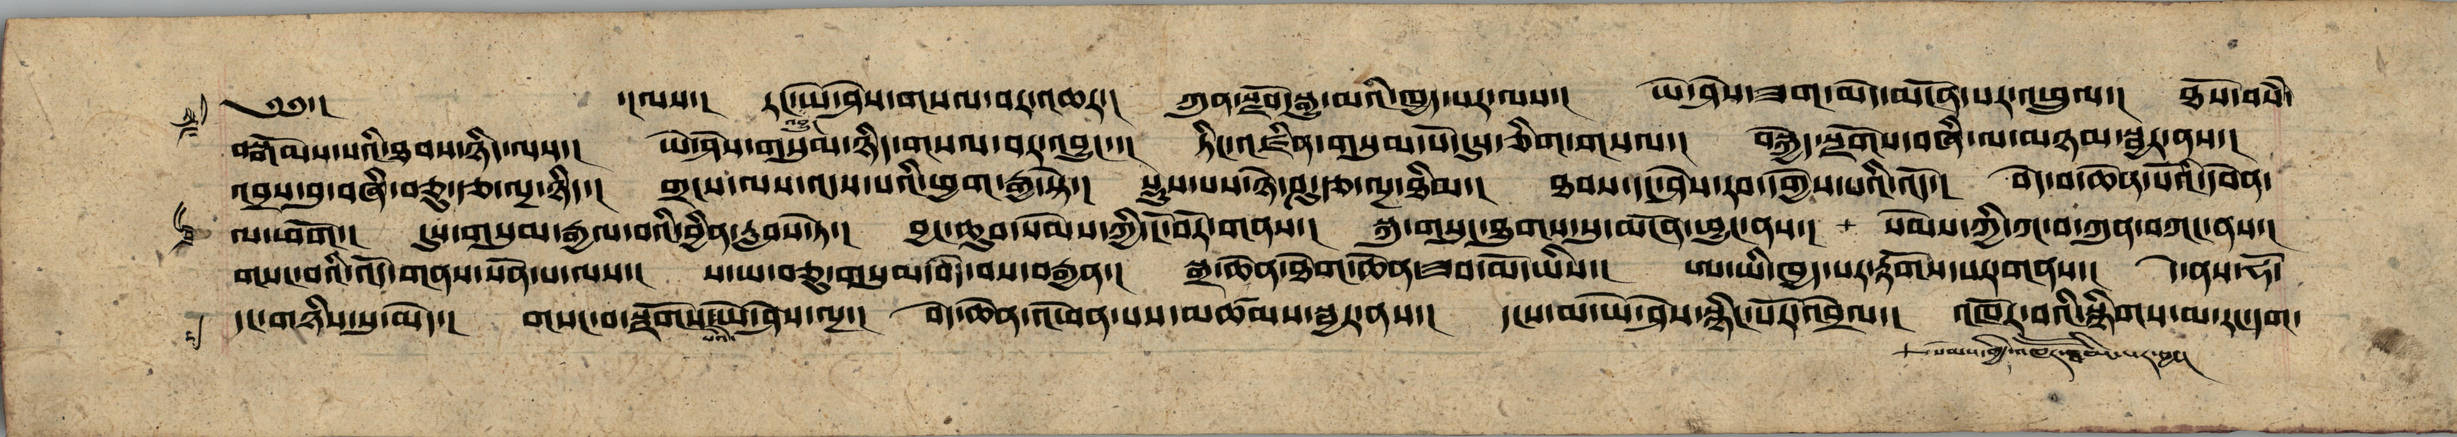༄༅་། ་།ལས་། རང་འབྱུང་ཡེ་ཤེས་གསལ་བར་འཆར་། ཀུན་སྫོབ་སྒྱུ་མའི་ཁྱད་པར་ལས་། ཡེ་ཤེས་ཟག་མེད་མངོན་པར་འཕྲུལ་། ཐོས་བསཾ་
བསྒོམས་པའི་ཐབས་ཉིད་ལས་། ཡེ་ཤེས་གསུམ་ཉིད་གསལ་བར་འབྱུང་་། ཏིང་འཛིན་གསུམ་པོ་དུས་ཅིག་གསལ་། བསྐྱེད་སྫོགས་བཞི་ལ་མཉམ་སྦྱར་ནས་།
འབྲས་བུ་བཞི་བཅུ་རྩ་ལྔ་ཉིད་། གྲངས་ལས་འདས་པའི་ཕྱག་རྒྱ་སྟེ་། སྡུས་པས་ཉེ་ཤུ་རྩ་ལྔ་ཐིམ་། ཐབས་དང་ཤེས་རབ་དགྱེས་པའི་འོད་། བདེ་བ་ཆེན་པོའི་དབེན་
ལ་ཕོག་། དུས་གསུམ་རྒྱལ་བའི་བྱིན་རླབས་ཏེ་། བྱང་ཆུབ་སེམས་ཀྱི་ངོ་བོར་གནས་། སྐུ་གསུང་ཐུགས་སུ་མངོན་ཕྱུང་ནས་། སེམས་ཀྱི་ཀ་བ་ཀུན་བཀང་ནས་།
གསང་བའི་འོད་གནས་སོན་པ་ལས་། ས་ཡ་བཅུ་གསུམ་བདེ་བས་བརྒྱན་། སྒྲ་ཆེན་ཐེག་ཆེན་ཟབ་མོ་ཡིས་། ཨ་ཡི་ཁྱད་པར་རྟོགས་པར་གནས་། དེ་ནས་ཧོ་
དང་གཉིས་སུ་མེད་། གསང་བ་སྫོགས་པའི་ཡེ་ཤེས་ལྔ་། བདེ་ཆེན་འཕེན་པས་མཚམས་སྦྱར་ནས་། དངས་མ་ཡེ་ཤེས་སྙིང་པོར་འབྲེལ་། འཁོར་བའི་སྙིགས་མ་རང་དག་
སེམས་ཀྱི་འཁཽར་ཐིམ་པར་བྱ་།